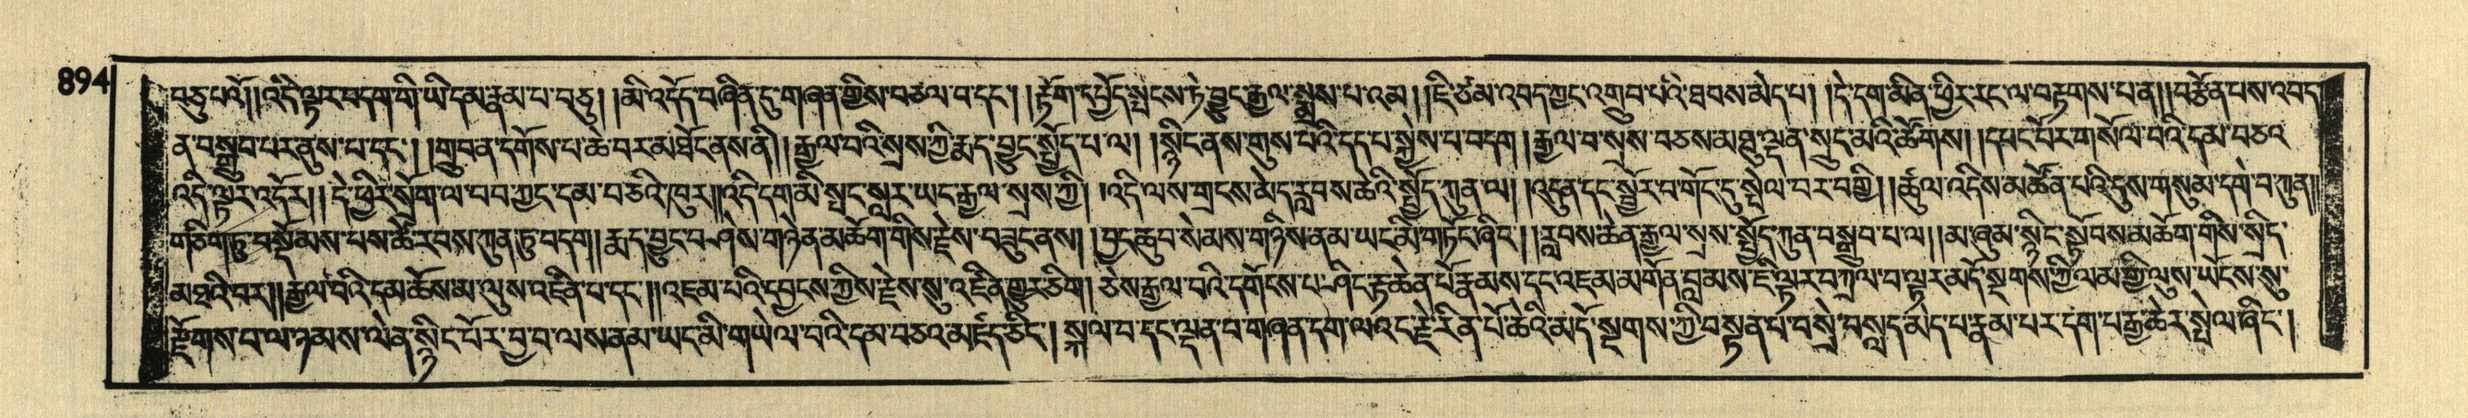བཅུ་པའོ། །འདི་ལྟར་བདག་གི་ཡི་དམ་རྣམ་པ་བཅུ། །མི་འདོད་བཞིན་དུ་གཞན་གྱིས་བཙལ་བ་དང་། །རྟོག་དཔྱོད་སྤངས་ཏེ་བྱུང་རྒྱལ་སྨྲས་པ་འམ། །ཇི་ཙམ་འབད་ཀྱང་འགྲུབ་པའི་ཐབས་མེད་པ། །དེ་དག་མིན་ཕྱིར་རང་ལ་བརྟགས་པ་ན། །བརྩོན་པས་འབད་
ན་བསྒྲུབ་པར་ནུས་པ་དང་། །གྲུབ་ན་དགོས་པ་ཆེ་བར་མཐོང་ནས་ནི། །རྒྱལ་བའི་སྲས་ཀྱི་རྨད་བྱུང་སྤྱོད་པ་ལ། །སྙིང་ནས་གུས་པའི་དད་པ་སྐྱེས་པ་བདག། རྒྱལ་བ་སྲས་བཅས་མཐུ་ལྡན་སྲུང་མའི་ཚོགས། །དབང་པོར་གསོལ་བའི་དམ་བཅའ་
འདི་ལྟར་འདོར། །དེ་ཕྱིར་སྲོག་ལ་བབ་ཀྱང་དམ་བཅའི་ཁུར། །འདི་དག་མི་སྤང་སླར་ཡང་རྒྱལ་སྲས་ཀྱི། །འདི་ལས་གྲངས་མེད་རླབས་ཆེའི་སྤྱོད་ཀུན་ལ། །འདུན་དང་སྦྱོར་བ་གོང་དུ་སྤེལ་བར་བགྱི། །ཚུལ་འདིས་མཚོན་པའི་དུས་གསུམ་དགེ་བ་ཀུན། །
གཅིག་ཏུ་བསྡོམས་པས་ཚེ་རབས་ཀུན་ཏུ་བདག། རྨད་བྱུང་བཤེས་གཉེན་མཆོག་གིས་རྗེས་བཟུང་ནས། །བྱང་ཆུབ་སེམས་གཉིས་ནམ་ཡང་མི་གཏོང་ཞིང་། །རླབས་ཆེན་རྒྱལ་སྲས་སྤྱོད་ཀུན་བསྒྲུབ་པ་ལ། །མ་ཞུམ་སྙིང་སྟོབས་མཆོག་གིས་སྲིད་
མཐའི་བར། །རྒྱལ་བའི་དམ་ཆོས་མ་ལུས་འཛིན་པ་དང་། །འཇམ་པའི་དབྱངས་ཀྱིས་རྗེས་སུ་འཛིན་གྱུར་ཅིག། ཅེས་རྒྱལ་བའི་དགོངས་པ་ཤིང་རྟ་ཆེན་པོ་རྣམས་དང་འཇམ་མགོན་བླ་མས་ཇི་ལྟར་བཀྲལ་བ་ལྟར་མདོ་སྔགས་ཀྱི་ལམ་གྱི་ལུས་ཡོངས་སུ་
རྫོགས་པ་ལ་ཉམས་ལེན་སྙིང་པོར་བྱ་བ་ལས་ནམ་ཡང་མི་གཡེལ་བའི་དམ་བཅའ་མཛད་ཅིང་། སྐལ་བ་དང་ལྡན་པ་གཞན་དག་ལའང་རྗེ་རིན་པོ་ཆེའི་མདོ་སྔགས་ཀྱི་བསྟན་པ་བསྲེ་བསླད་མེད་པ་རྣམ་པར་དག་པ་རྒྱ་ཆེར་སྤེལ་ཞིང་།